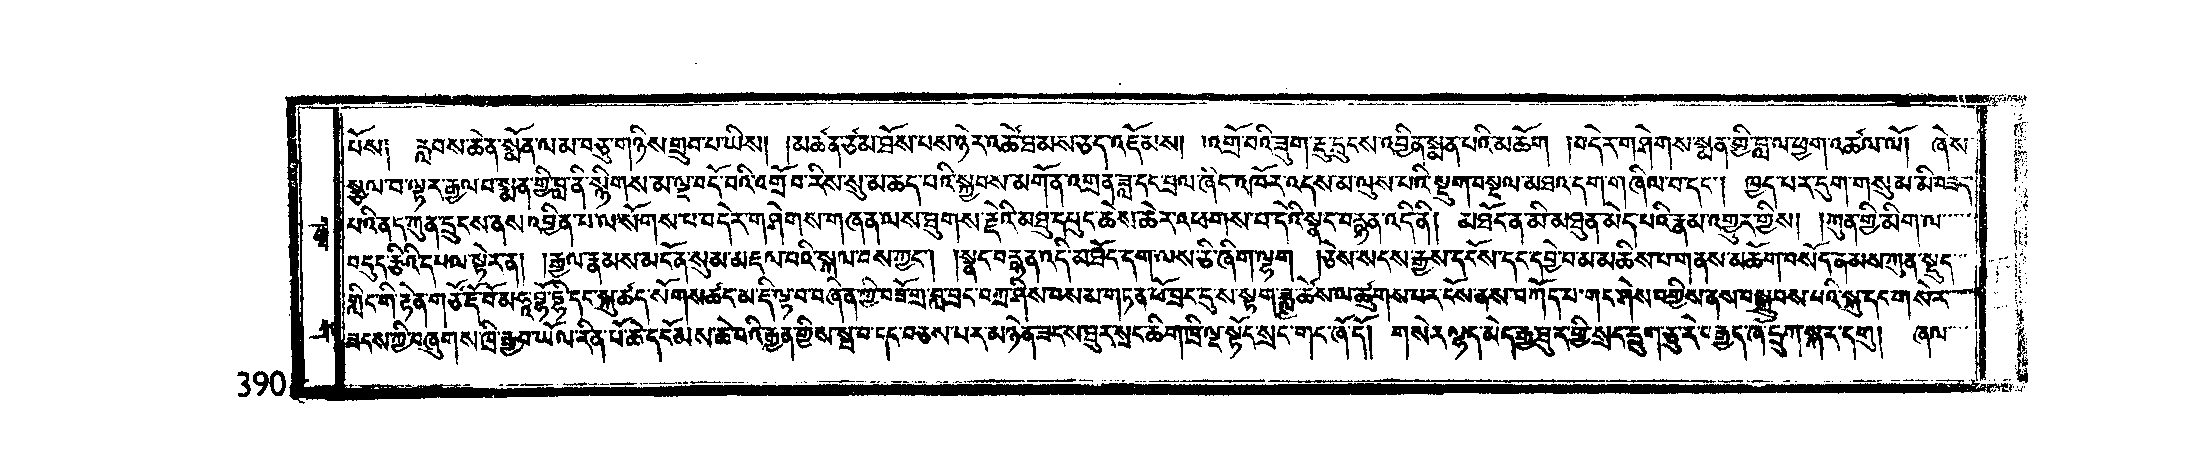པོས། རླབས་ཆེན་སྨོན་ལམ་བཅུ་གཉིས་གྲུབ་པ་ཡིས། །མཚན་ཙམ་ཐོས་པས་ཉེར་འཚེ་ཐམས་ཅད་འཇོམས། །འགྲོ་བའི་ཟུག་རྔུ་དྲུངས་འབྱིན་སྨན་པའི་མཆོག །བདེར་གཤེགས་སྨན་གྱི་བླ་ལ་ཕྱག་འཚལ་ལོ། ཞེས་
སྩལ་བ་ལྟར་རྒྱལ་བ་སྨན་གྱི་བླ་ནི་སྙིགས་མ་ལྔ་བདོ་བའི་འགྲོ་བ་རིས་སུ་མ་ཆད་པའི་སྐྱབས་མགོན་འགྲན་ཟླ་དང་བྲལ་ཞིང་འཁོར་འདས་མ་ལུས་པའི་སྡུག་བསྔལ་མཐའ་དག་གཞིལ་བ་དང་། ཁྱད་པར་དུག་གསུམ་མི་བཟད་
པའི་ནད་ཀུན་དྲུངས་ནས་འབྱིན་པ་ལ་སོགས་པ་བདེར་གཤེགས་གཞན་ལས་ཐུགས་རྗེའི་མཐུ་དཔུང་ཆེས་ཆེར་འཕགས་པ་དེའི་སྣང་བརྙན་འདི་ནི། མཐོང་ན་མི་མཐུན་མེད་པའི་རྣམ་འགྱུར་གྱིས། །ཀུན་གྱི་མིག་ལ་
བདུད་རྩིའི་དཔལ་སྟེར་ན། །རྒྱལ་རྣམས་མངོན་སུམ་མཇལ་བའི་སྐལ་བས་ཀྱང་། །སྣང་བརྙན་འདི་མཐོང་དག་ལས་ཅི་ཞིག་ལྷག །ཅེས་སངས་རྒྱས་དངོས་དང་དབྱེ་བ་མ་མཆིས་པ་གནས་མཆོག་བསོད་ནམས་ཀུན་སྡུད་
གླིང་གི་རྟེན་གཙོ་ཇོ་བོ་མཧཱ་བྷོ་དྷི་དང་སྐུ་ཚད་སོགས་ཚང་མ་ཇི་ལྟ་བ་བཞིན་གྱི་བཟོ་གྲ་བླ་བྲང་བཀྲ་ཤིས་བསམ་གཏན་ཕོ་བྲང་དུ་ས་སྟག་ཟླ་ཚེས་ལ་ཚུགས་པར་ངོས་ནས་བཀོད་པ་གང་ཤེས་བགྱིས་ནས་བསྒྲུབས་པའི་སྐུ་དང་གསེར་
ཟངས་ཀྱི་བཞུགས་ཁྲི་རྒྱབ་ཡོལ་རིན་པོ་ཆེ་དངོམས་ཆེ་བའི་རྒྱན་གྱིས་སྦ་བ་དང་བཅས་པར་མཉེན་ཟངས་ཐུར་སྲང་ཆིག་ཁྲི་ལྔ་སྟོང་སྲང་གང་ཞོ་དོ། གསེར་ལྷད་མེད་རྒྱ་ཐུར་གྱི་སྲང་དྲུག་ཅུ་རེ་བརྒྱད་ཞོ་དྲུག་སྐར་དགུ། ཞལ་